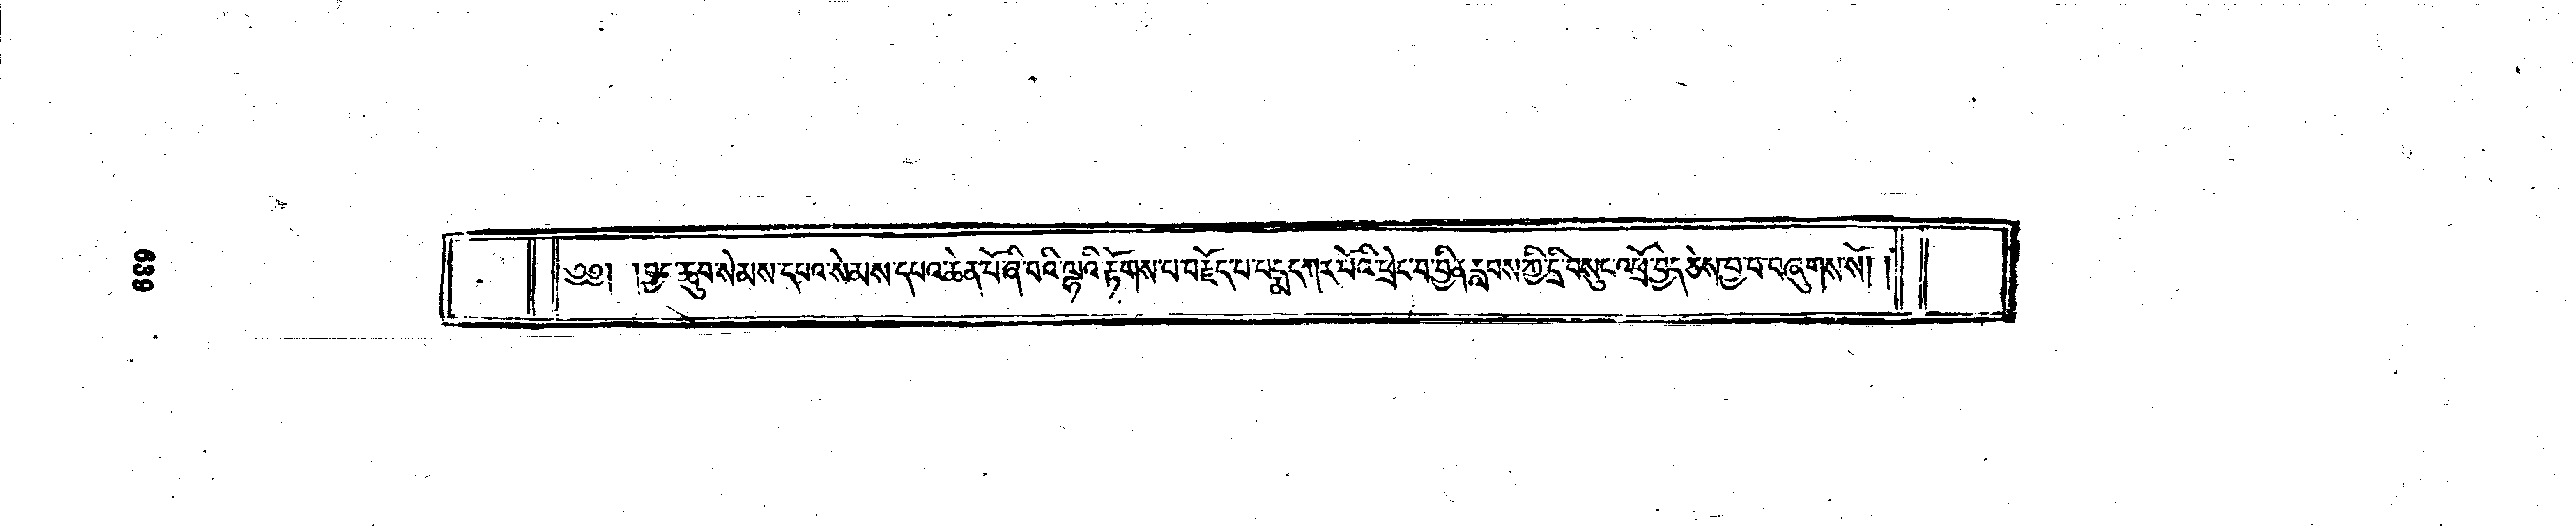༄༅། །བྱང་ཆུབ་སེམས་དཔའ་སེམས་དཔའ་ཆེན་པོ་ཞི་བའི་ལྷའི་རྟོགས་པ་བརྗོད་པ་པདམ་དཀར་པོའི་ཕྲེང་བ་བྱིན་རླབས་ཀྱི་དྲི་བསུང་འཕྲོ་བྱེད་ཅེས་བྱ་བ་བཞུགས་སོ། །